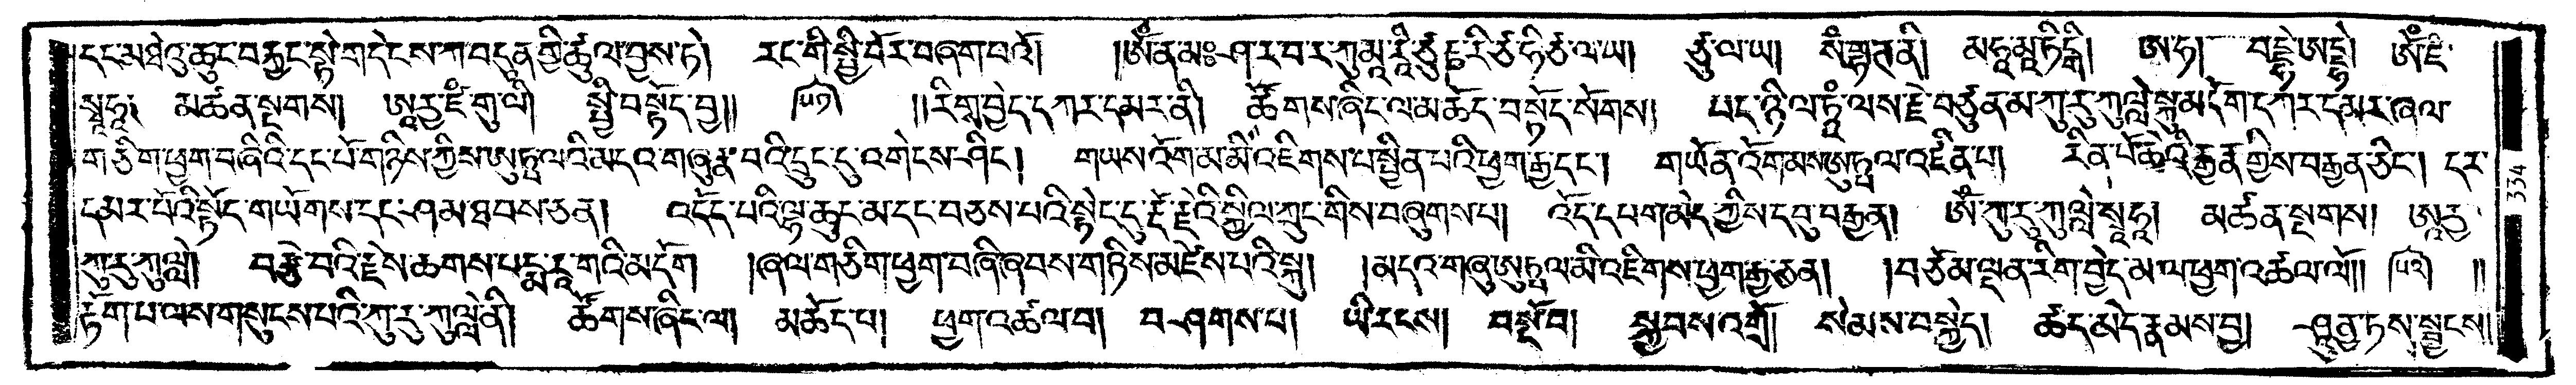དང་མཐེའུ་ཆུང་བརྐྱང་སྟེ་གདེངས་ཀ་བདུན་གྱི་ཚུལ་བྱས་ཏེ། རང་གི་སྤྱི་བོར་བཞག་པའོ། །ཨོཾ་ན་མཿཤ་ར་བ་ར་ཀུ་མཱ་རཱི་ཙཎྞ་རི་ཙ་ཧི་ཙ་ལ་ཡ། ཙུ་ལ་ཡ། སི་གྷ་ཊ་ནི། མཧཱ་མཱ་ཏིངྒི། ཨ་ཧ། བདྡྷེ་ཨདྡྷེ། ཨོཾ་ཛི་
སྭཱཧཱ༑ མཚན་སྔགས། ཨཱརྱ་ཛཾ་གུ་ལི། སྤྱི་བསྟོད་བྱ།། ༥༡?་།།རིགས་བྱེད་དཀར་དམར་ནི། ཚོགས་ཞིང་ལ་མཆོད་བསྟོད་སོགས། པད་ཉི་ལ་ཏཱཾ་ལས་རྗེ་བཙུན་མ་ཀུ་རུ་ཀུལླེ་སྐུ་མདོག་དཀར་དམར་ཞལ་
གཅིག་ཕྱག་བཞིའི་དང་པོ་གཉིས་ཀྱིས་ཨུཏྤ་ལའི་མདའ་གཞུ་རྣ་བའི་དྲུང་དུ་འགེངས་ཤིང་། གཡས་འོག་མ་མི་འཇིགས་པ་སྦྱིན་པའི་ཕྱག་རྒྱ་དང་། གཡོན་འོག་མས་ཨུཏྤལ་འཛིན་པ། རིན་པོ་ཆེའི་རྒྱན་གྱིས་བརྒྱན་ཅིང་། དར་
དམར་པོའི་སྟོང་གཡོགས་དང་ཤམ་ཐབས་ཅན། འདོད་པའི་ལྷ་ཆུང་མ་དང་བཅས་པའི་སྟེང་དུ་རྡོ་རྗེའི་སྐྱིལ་ཀྲུང་གིས་བཞུགས་པ། འོད་དཔག་མེད་ཀྱིས་དབུ་བརྒྱན། ཨོཾ་ཀུ་རུ་ཀུལླེ་སྭཱཧཱ། མཚན་སྔགས། ཨཱརྱ་
ཀུ་རུ་ཀུལླེ། བརྩེ་བའི་རྗེས་ཆགས་པདམ་རཱ་གའི་མདོག །ཞལ་གཅིག་ཕྱག་བཞི་ཞབས་གཉིས་མཛེས་པའི་སྐུ། །མདའ་གཞུ་ཨུཏྤལ་མི་འཇིགས་ཕྱག་རྒྱ་ཅན། །བཅོམ་ལྡན་རིག་བྱེད་མ་ལ་ཕྱག་འཚལ་ལོ།། ༥༢?་།།
རྟོག་པ་ལས་གསུངས་པའི་ཀུ་རུ་ཀུལླེ་ནི། ཚོགས་ཞིང་ལ། མཆོད་པ། ཕྱག་འཚལ་བ། བཤགས་པ། ཡི་རངས། བསྔོ་བ། སྐྱབས་འགྲོ། སེམས་བསྐྱེད། ཚད་མེད་རྣམས་བྱ། ཤཱུ་ནྱ་ཏས་སྦྱངས།